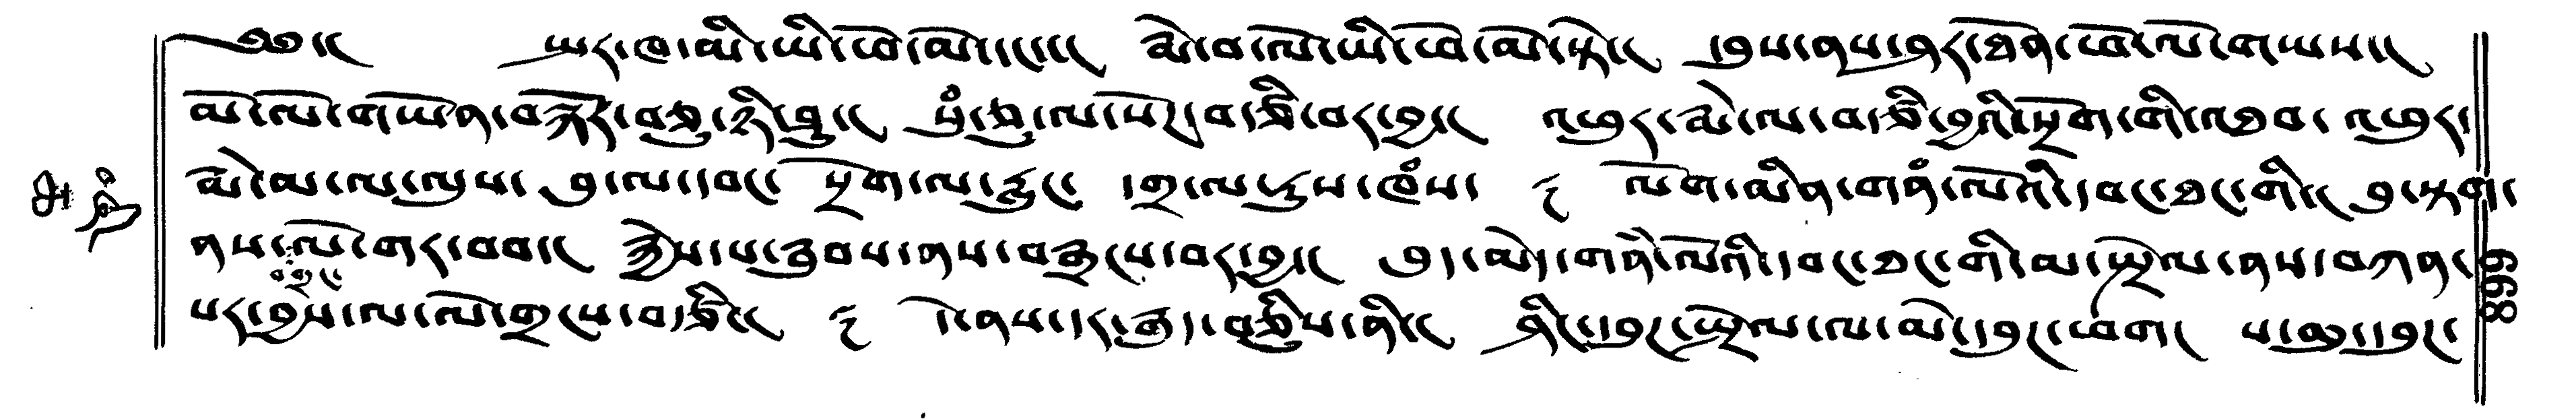།སྤར་ཁ་མི་ཡི་ཕོ་མོ་དང་། །སྨེ་བ་ལོ་ཡི་ཕོ་མོ་སྟེ། །དབུས་ནས་ཤར་ཐོན་ཕོ་ལོ་གཡས། །
མོ་ལོ་གཡོན་བསྐོར་བཅུ་ཉི་ཤུ། །སུམ་ཅུ་ལ་སོགས་བརྩི་བར་བྱ། །འཕུར་སྨེ་ལ་བརྩི་བྱའི་སྲོག་གི་འཐབ། འཕུར་
སྨེ་མ་ལ་ལུས། བུ་ལ་དབང་། སྲོག་ལ་རླུང་། དགྲ་ལ་རུས་ཁམས། ༈ ལོག་མེན་གནམ་ལོའི་དབང་ཐང་གི །བུ་སྟག་
ནས་བགྲང་ལོ་གར་བབ། །སྐྱེས་པ་སྦུབས་ནས་བསྒྲང་བར་བྱ། བུད་མེད་གནམ་ལོའི་དབང་ཐང་གི་མ་སྤྲེལ་ནས་བཀན་
པར་བྱས་ལ་ལོ་གྲངས་བརྩི། ༈ དེ་ནས་དར་རྒུད་བཅུ་གཉིས་ནི། །ཤིང་དབུགས་སྤྲེལ་ལ་མེ་དབུགས་ཕག །ས་ཆུ་དབུགས་